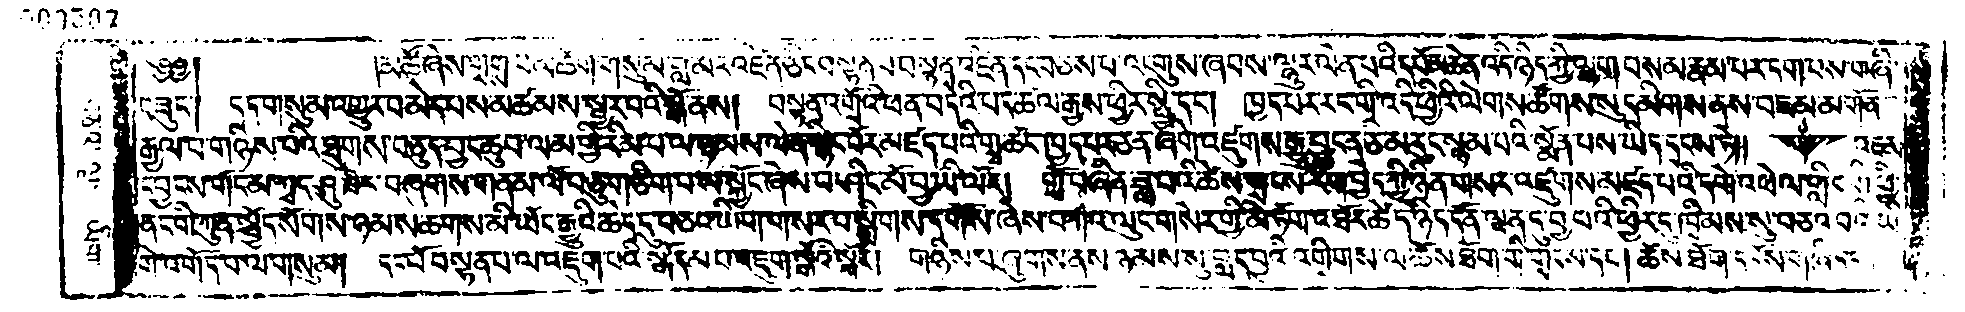༄༅། །མཚོ་ཞེས་གྲགས་པ་མཆོག་གསུམ་བླ་མར་འཛིན་ཅིང་བསྟན་པ་བསྟན་འཛིན་དང་བཅས་པ་ལ་གུས་ཞབས་ལྷུར་ལེན་པའི་དཔོ་མཆེན་འདི་ཉིད་ཀྱི་ལྷག་བསམ་རྣམ་པར་དག་པས་གཞི་
བཟུང་། དད་གསུམ་འགྱུར་པ་མེད་པས་མཚམས་སྦྱར་བའི་སྒོ་ནས། བསྟན་འགྲོའི་ཕན་བདེའི་པད་ཚལ་རྒྱས་ཕྱིར་སྤྱི་དང་། ཁྱད་པར་རང་གི་འདི་ཕྱིའི་ལེགས་ཚོགས་སུ་དམིགས་ནས་འཇམ་མགོན་
རྒྱལ་བ་གཉིས་པའི་ཐུགས་བཅུད་བྱང་ཆུབ་ལམ་གྱི་རིམ་པ་ལ་ཉམས་ལེན་སྙིང་པོར་མཛད་པའི་གྲྭ་ཚང་ཁྱད་པར་ཅན་ཞིག་འཛུགས་རྒྱུ་བྱུང་ན་ཅི་མ་རུང་སྙམ་པའི་སྨོན་པས་ཡིད་དྲངས་ཏེ།། ༈ འཇམ་
དབྱངས་གོང་མ་ཀྭང་ཤུ་ཁྲིར་བཞུགས་གནམ་ལོ་བཅུ་གཅིག་པ་ས་སྐྱོང་ཞེས་པ་ཤིང་མོ་བྱ་ཡི་ལོར། གྲོ་བཞིན་ཟླ་བའི་ཚེས་གྲངས་རིག་བྱེད་ཀྱི་ཉིན་གསར་འཛུགས་མཛད་པའི་དགེ་འཕེལ་གླིང་གི་ཕྱི་
ནང་གི་ཀུན་སྤྱོད་སོགས་ཉམས་ཆགས་མི་ཡོང་རྒྱུའི་ཆེད་དུ་བཅའ་ཡིག་གསར་བསྒྲིགས་དགོས་ཞེས་བཀའ་ལུང་གསེར་གྱི་མེ་ཏོག་འཐོར་ཚེ་དེ་ཉིད་དོན་ལྡན་དུ་བྱ་བའི་ཕྱིར་དུ་ཁྲིམས་སུ་བཅའ་བའི་ཡི་
གེ་འགོད་བ་ལ་གསུམ། དང་པོ་བསྟན་པ་ལ་འཇུག་པའི་སྒོ་དམ་པ་འཇུག་སྒོའི་སྐོར། གཉིས་པ་ཞུགས་ནས་ཉམས་སུ་བླད་བྱའི་འགྲིགས་ལ་ཆོས་ཐོག་གི་གྲངས་དང་། ཆོས་ཐོག་དངོས་གཞི་དང་།